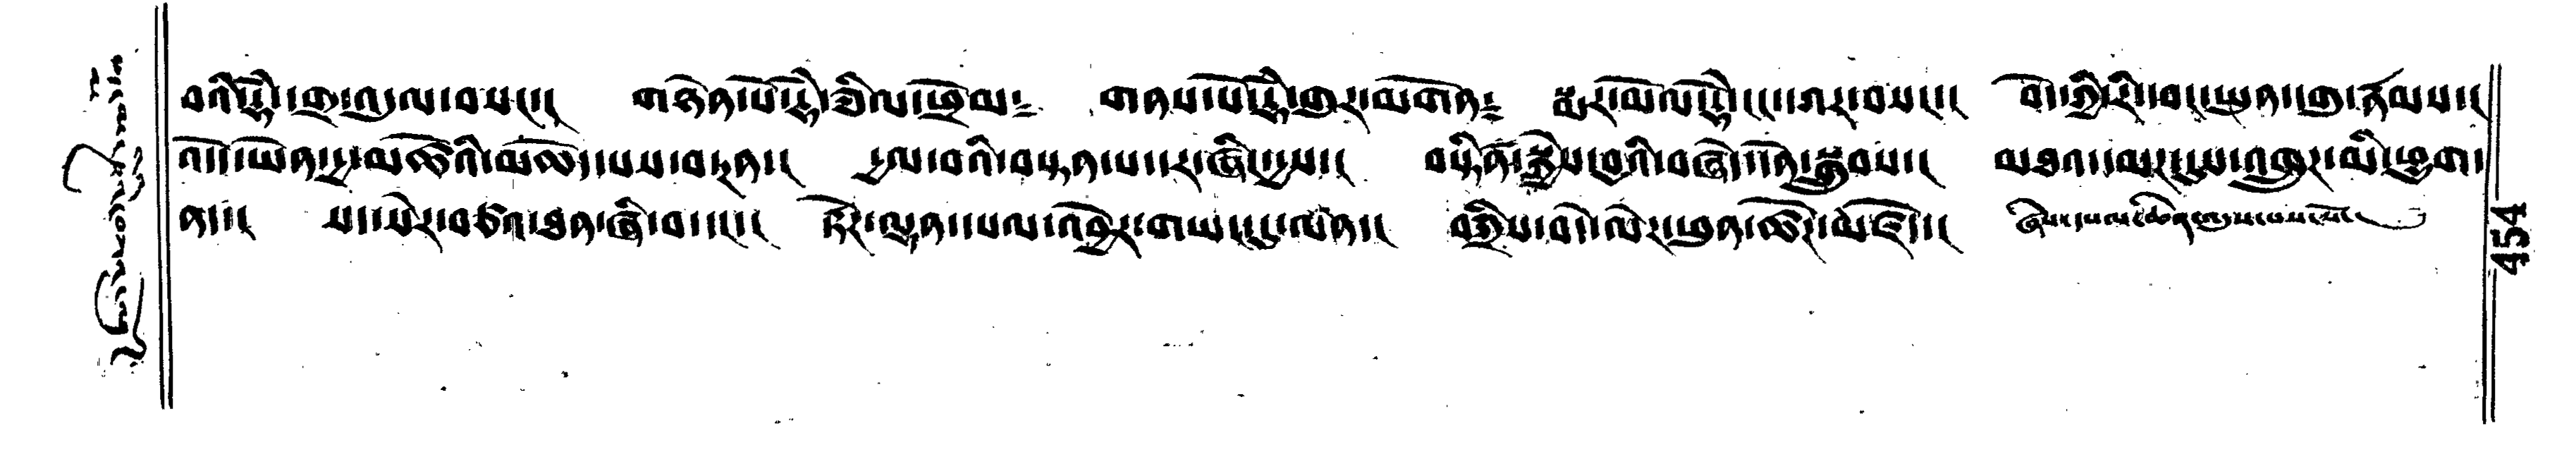བའི་རྡོ་རྗེ་དགྲ་འདུལ་བསང་། གཉེན་པོ་རྡོ་རྗེ་ཟིལ་ཕྲོམ༴ གནས་པོ་རྡོ་རྗེ་གུར་མགོན༴ སྨྲ་མོལ་རྡོ་རྗེ་ངང་དཀར་བསང་། བོད་ཀྱི་རི་དབང་སྤུན་དགུ་རྣམས། །
འདོད་ཡོན་རྒྱ་མཚོའི་མཆོད་པས་བརྔན། །རྒྱལ་བའི་བསྟན་པ་དར་ཞིང་རྒྱས། །བསྟན་འཛིན་སྐྱེས་བུའི་བཞེད་དོན་སྒྲུབས། །མཐའ་དམག་དུས་འཁྲུགས་མི་ཕྱུགས་
ནད། །སད་སེར་བཙའ་ཐན་ཞི་བ་དང་། །རྟོགས་ལྡན་དཔལ་འབྱོར་གཡང་དུ་ལེན། །བཀྲ་ཤིས་བདེ་ལེགས་ཕུན་ཚོགས་མཛོད། ཞེས་དཔལ་ཆེན་འདུས་པས་སོ།། །། དགེའོ།།